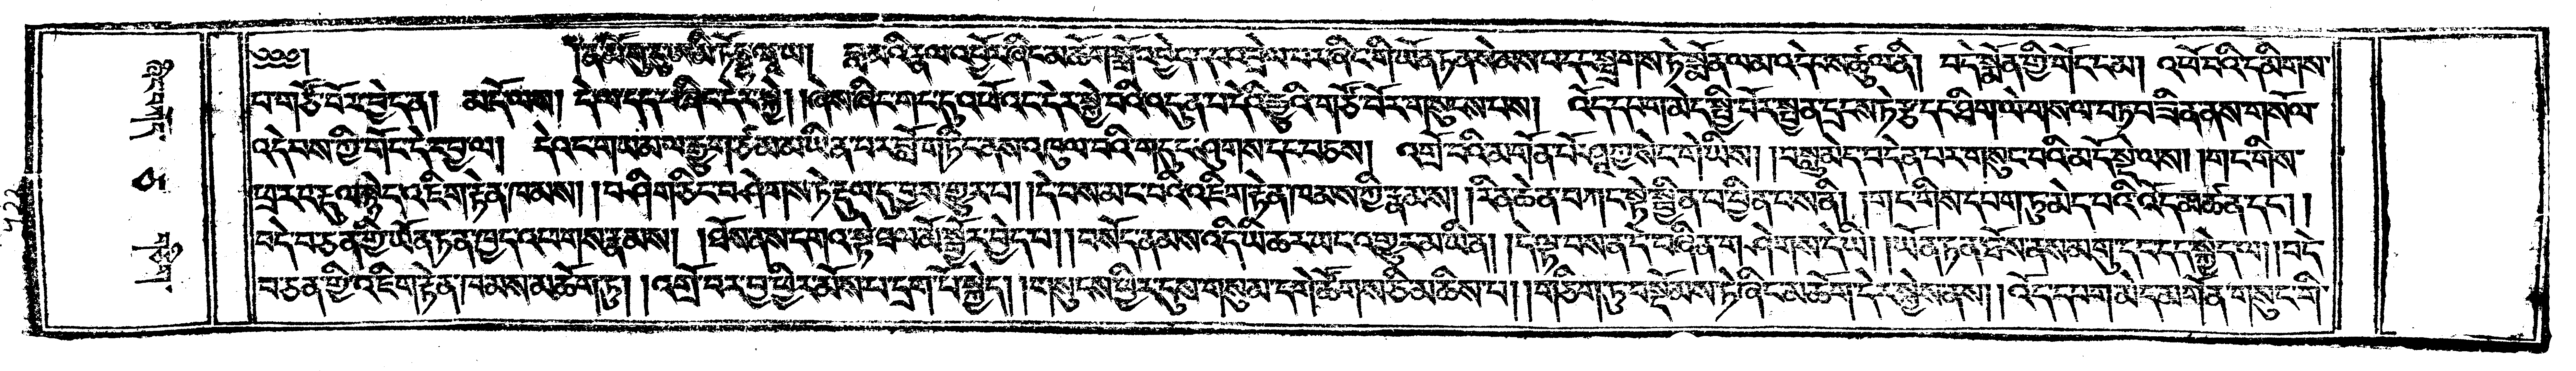༄༅༅། །ན་མོ་གུ་རུ་ཨ་མི་ཏོངྦྷ་ཝཱ་ཡ། བླ་མའི་རྣལ་འབྱོར་ཞིང་མཆོག་སྒོ་འབྱེད་དང་འབྲེལ་བར་ཞིང་གི་ཡོན་ཏན་སེམས་པ་དང་སྦྲགས་ཏེ་སྨོན་ལམ་འདེབས་ཚུལ་ནི། བདེ་སྨོན་གྱི་གོང་དམ། འཕོ་བའི་དམིགས་
པ་གཙོ་བོར་བྱེད་ན། མདོ་ལས། དེ་ལ་དད་པ་ཞིང་དེར་སྐྱེ། །ཞེས་ཞིང་གང་དུ་འཕོའང་དེར་སྐྱེ་བའི་འདུན་པ་དེའི་རྒྱུའི་གཙོ་བོར་གསུངས་པས། འོད་དཔག་མེད་སྤྱི་བོར་སྤྱན་དྲངས་ཏེ་རྩ་དང་ཐིག་ལེགས་ལ་བཏབ་ཟིན་ནས་གསོལ་
འདེབས་ཀྱི་གོང་དེར་བྱ་ལ། དེའང་གཡམ་ལ་རྒྱུག་ཙམ་མ་ཡིན་པར་བློ་གཏིང་ནས་འཁུལ་བའི་གདུང་ཤུགས་དང་བཅས། འགྲོ་བའི་མགོན་པོ་ཤཱཀྱ་སེང་གེ་ཡིས། །བསླུ་མེད་བདེན་པར་གསུང་བའི་མདོ་སྡེ་ལས། །གང་གིས་
ཕྲར་བརྡུལ་སྙེད་འཇིག་རྟེན་ཁམས། །བཤིག་ཅིང་བཤེགས་ཏེ་རྡུལ་དུ་བྱས་གྱུར་པ། །དེ་བས་མང་བའི་འཇིག་རྟེན་ཁམས་ཀྱི་རྣམས། །རིན་ཆེན་བཀང་སྟེ་སྦྱིན་པ་བྱིན་པས་ནི། །གང་གིས་དཔག་ཏུ་མེད་པའི་འོད་མཚན་དང་།
བདེ་བ་ཅན་གྱི་ཡོན་ཏན་ཁྱད་འཕགས་རྣམས། །ཐོས་ནས་དགའ་སྟེ་ཐལ་མོ་སྦྱོར་བྱེད་པ། །བསོད་ནམས་འདི་ཡི་ཆར་ཡང་འགྱུར་མ་ཡིན། །དེ་ལྟར་བས་ན་དེ་བཞིན་གཤེགས་དེ་ཡི། །ཡོན་ཏན་ཐོས་ནས་མགུ་དང་དད་སྐྱེད་ལ། །བདེ་
བ་ཅན་གྱི་འཇིག་རྟེན་ཁམས་མཆོག་ཏུ། །འགྲོ་བར་བྱ་ཕྱིར་མོས་པ་དྲག་པོ་སྐྱེད། །གསུངས་ཕྱིར་དུས་གསུམ་དགེ་ཚོགས་ཅི་མཆིས་པ། །གཅིག་ཏུ་བསྡོམས་ཏེ་ཞིང་མཆོག་དེར་སྐྱེས་ནས། །འོད་དཔག་མེད་མགོན་གསུང་གི་